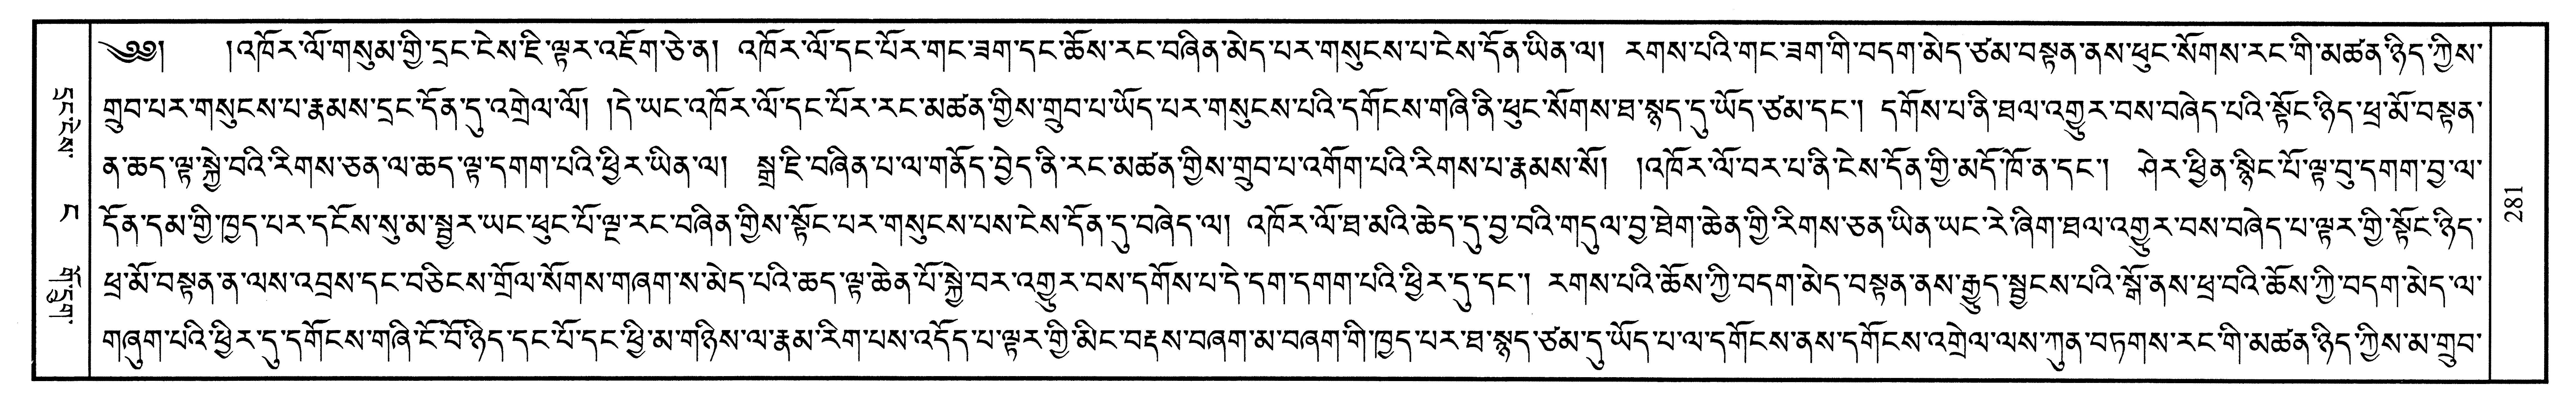༄༅། །འཁོར་ལོ་གསུམ་གྱི་དྲང་ངེས་ཇི་ལྟར་འཇོག་ཅེ་ན། འཁོར་ལོ་དང་པོར་གང་ཟག་དང་ཆོས་རང་བཞིན་མེད་པར་གསུངས་པ་ངེས་དོན་ཡིན་ལ། རགས་པའི་གང་ཟག་གི་བདག་མེད་ཙམ་བསྟན་ནས་ཕུང་སོགས་རང་གི་མཚན་ཉིད་ཀྱིས་
གྲུབ་པར་གསུངས་པ་རྣམས་དྲང་དོན་དུ་འགྲེལ་ལོ། །དེ་ཡང་འཁོར་ལོ་དང་པོར་རང་མཚན་གྱིས་གྲུབ་པ་ཡོད་པར་གསུངས་པའི་དགོངས་གཞི་ནི་ཕུང་སོགས་ཐ་སྙད་དུ་ཡོད་ཙམ་དང་། དགོས་པ་ནི་ཐལ་འགྱུར་བས་བཞེད་པའི་སྟོང་ཉིད་ཕྲ་མོ་བསྟན་
ན་ཆད་ལྟ་སྐྱེ་བའི་རིགས་ཅན་ལ་ཆད་ལྟ་དགག་པའི་ཕྱིར་ཡིན་ལ། སྒྲ་ཇི་བཞིན་པ་ལ་གནོད་བྱེད་ནི་རང་མཚན་གྱིས་གྲུབ་པ་འགོག་པའི་རིགས་པ་རྣམས་སོ། །འཁོར་ལོ་བར་པ་ནི་ངེས་དོན་གྱི་མདོ་ཁོ་ན་དང་། ཤེར་ཕྱིན་སྙིང་པོ་ལྟ་བུ་དགག་བྱ་ལ་
དོན་དམ་གྱི་ཁྱད་པར་དངོས་སུ་མ་སྦྱར་ཡང་ཕུང་པོ་ལྔ་རང་བཞིན་གྱིས་སྟོང་པར་གསུངས་པས་ངེས་དོན་དུ་བཞེད་ལ། འཁོར་ལོ་ཐ་མའི་ཆེད་དུ་བྱ་བའི་གདུལ་བྱ་ཐེག་ཆེན་གྱི་རིགས་ཅན་ཡིན་ཡང་རེ་ཞིག་ཐལ་འགྱུར་བས་བཞེད་པ་ལྟར་གྱི་སྟོང་ཉིད་
ཕྲ་མོ་བསྟན་ན་ལས་འབྲས་དང་བཅིངས་གྲོལ་སོགས་གཞག་ས་མེད་པའི་ཆད་ལྟ་ཆེན་པོ་སྐྱེ་བར་འགྱུར་བས་དགོས་པ་དེ་དག་དགག་པའི་ཕྱིར་དུ་དང་། རགས་པའི་ཆོས་ཀྱི་བདག་མེད་བསྟན་ནས་རྒྱུད་སྦྱངས་པའི་སྒོ་ནས་ཕྲ་བའི་ཆོས་ཀྱི་བདག་མེད་ལ་
གཞུག་པའི་ཕྱིར་དུ་དགོངས་གཞི་ངོ་བོ་ཉིད་དང་པོ་དང་ཕྱི་མ་གཉིས་ལ་རྣམ་རིག་པས་འདོད་པ་ལྟར་གྱི་མིང་བརྡས་བཞག་མ་བཞག་གི་ཁྱད་པར་ཐ་སྙད་ཙམ་དུ་ཡོད་པ་ལ་དགོངས་ནས་དགོངས་འགྲེལ་ལས་ཀུན་བཏགས་རང་གི་མཚན་ཉིད་ཀྱིས་མ་གྲུབ་